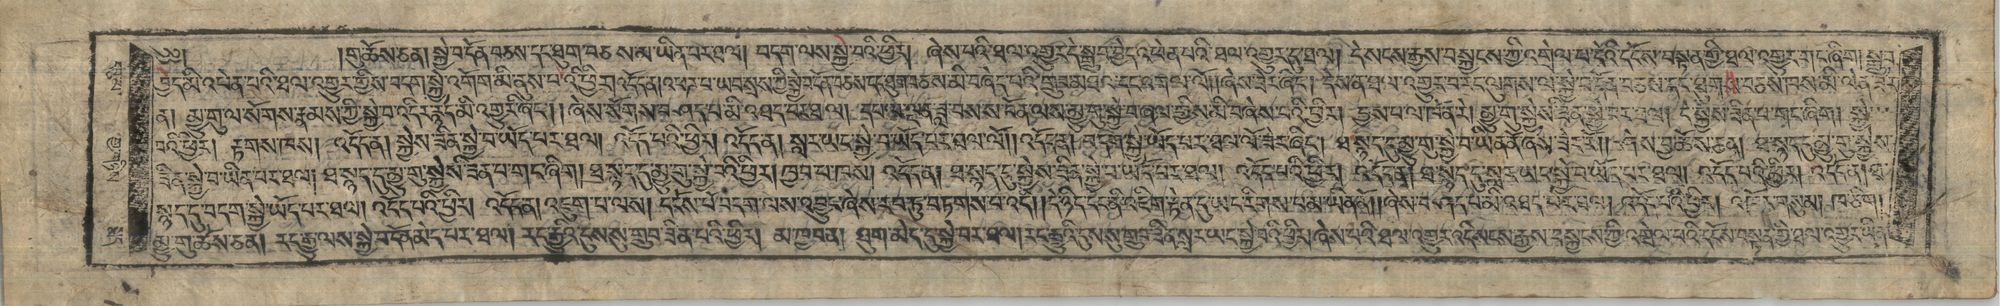༄༅། །གུ་ཆོས་ཅན། སྐྱེ་བ་དོན་བཅས་དང་ཐུག་བཅས་མ་ཡིན་པར་ཐལ། བདག་ལས་སྐྱེ་བའི་ཕྱིར། ཞེས་པའི་ཐལ་འགྱུར་དེ་སྒྲུབ་བྱེད་འཕེན་པའི་ཐལ་འགྱུར་དུ་ཐལ། དེ་སངས་རྒྱས་བསྐྱངས་ཀྱི་འགྲེལ་པ་དེའི་དངོས་བསྟན་གྱི་ཐལ་འགྱུར་གང་ཞིག །སྒྲུབ་
བྱེད་མི་འཕེན་པའི་ཐལ་འགྱུར་གྱིས་བདག་སྐྱེ་འགོག་མི་ནུས་པའི་ཕྱིར། འདོད་ན། འཕགས་པ་ཡབ་སྲས་ཀྱི་སྐྱེ་བ་དོན་བཅས་དང་ཐུག་བཅས་མི་བཞེད་པའི་གྲུབ་མཐའ་དང་འགལ་ལོ། །ཞེས་ཟེར་ཞིང་། དེས་ན་ཐལ་འགྱུར་བ་རང་ལུགས་ལ་སྐྱེ་བ་དོན་བཅས་དང་ཐུག་བཅས་ཁས་མི་ལེན་ཟེར་
ན། མྱུ་གུ་ལ་སོགས་རྣམས་ཀྱི་སྐྱེ་བ་འདིར་རྙེད་མི་འགྱུར་ཞིང་། །ཞེས་སོགས་བཤད་པ་མི་འཐད་པར་ཐལ། དཔལ་ལྡན་ཟླ་བས་ས་བོན་ལས་མྱུ་གུ་སྐྱེ་བ་ཞལ་གྱིས་མི་བཞེས་པའི་ཕྱིར། བྱས་པ་ལ་ཁོ་ན་རེ། མྱུ་གུ་སྐྱེས་ཟིན་སྐྱེ་བར་ཐལ། དེ་སྐྱེས་ཟིན་པ་གང་ཞིག །སྐྱེ་
བའི་ཕྱིར། རྟགས་ཁས། འདོད་ན། སྐྱེས་ཟིན་སྐྱེ་བ་ཡོད་པར་ཐལ། འདོད་པའི་ཕྱིར། འདོད་ན། སླར་ཡང་སྐྱེ་བ་ཡོད་པར་ཐལ་ལོ། །འདོད་ན། བདག་སྐྱེ་ཡོད་པར་ཐལ་ལོ་ཟེར་ཞིང་། ཐ་སྙད་དུ་མྱུ་གུ་སྐྱེ་བ་ཡིན་ནོ་ཞེས་ཟེར་རོ། །ཤེས་བྱ་ཆོས་ཅན། ཐ་སྙད་དུ་མྱུ་གུ་སྐྱེས་
ཟིན་སྐྱེ་བ་ཡིན་པར་ཐལ། ཐ་སྙད་དུ་མྱུ་གུ་སྐྱེས་ཟིན་པ་གང་ཞིག །ཐ་སྙད་དུ་མྱུ་གུ་སྐྱེ་བའི་ཕྱིར། ཁྱབ་པ་ཁས། འདོད་ན། ཐ་སྙད་དུ་སྐྱེས་ཟིན་སྐྱེ་བ་ཡོད་པར་ཐལ། འདོད་པའི་ཕྱིར། འདོད་ན། ཐ་སྙད་དུ་སླར་ཡང་སྐྱེ་བ་ཡོད་པར་ཐལ། འདོད་པའི་ཕྱིར། འདོད་ན། ཐ་
སྙད་དུ་བདག་སྐྱེ་ཡོད་པར་ཐལ། འདོད་པའི་ཕྱིར། འདོད་ན། འཇུག་པ་ལས། དངོས་པོ་བདག་ལས་འབྱུང་ཞེས་རབ་ཏུ་བཏགས་པ་འདི། །དེ་ཉིད་དང་ནི་འཇིག་རྟེན་དུ་ཡང་རིགས་པ་མ་ཡིན་ནོ། །ཞེས་བཤད་པ་མི་འཐད་པར་ཐལ། འདོད་པའི་ཕྱིར། འཁོར་གསུམ། ཁ་ཅིག །
མྱུ་གུ་ཆོས་ཅན། རང་རྒྱུ་ལས་སྐྱེ་བ་དོན་མེད་པར་ཐལ། རང་རྒྱུའི་དུས་སུ་གྲུབ་ཟིན་པའི་ཕྱིར། མ་ཁྱབ་ན། ཐུག་མེད་དུ་སྐྱེ་བར་ཐལ། རང་རྒྱུའི་དུས་སུ་གྲུབ་ཟིན་སླར་ཡང་སྐྱེ་བའི་ཕྱིར། ཞེས་པའི་ཐལ་འགྱུར་འདི་སངས་རྒྱས་བསྐྱངས་ཀྱི་འགྲེལ་བའི་དངོས་བསྟན་གྱི་ཐལ་འགྱུར་ཡིན་